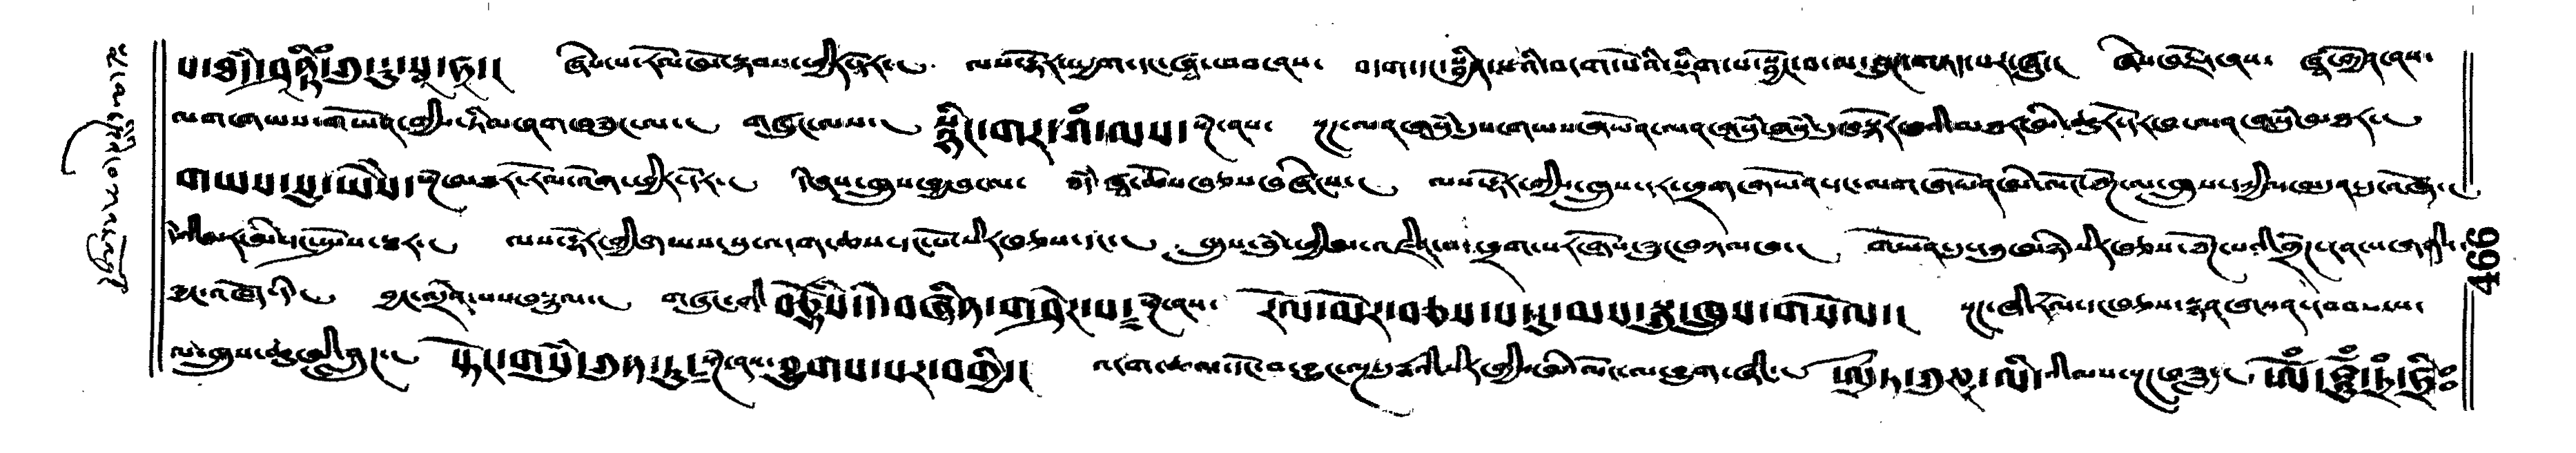པ་ཐམས་ཅད་ཤཱནྟིཾ་ཀུ་རུ་སྭ་ཧཱ། ཞེས་པ་རོལ་མོའི་སྐབས་ཕྱིར་དོར། ལས་རྡོར་ཕྱག་དང་ཞྭ་ཕབ་ནས། བདག་དང་སྦྱིན་པའི་བདག་པོའི་སྡིག་པ་སྦྱོང་བ་ལ་ཐུགས་གཏད་པར་ཞུ། ཞེས་བརྗོད་ནས། ཞྭ་གྱོན་ནས་
ལག་གཡས་གཡོན་གྱིས་ཏིལ་ནག་བཟུང་ལ། གཞུང་ལས། སྙིང་གར་ཀཾ་ལས༴ སོགས་ནས་སྔགས་ལན་གསུམ་དུས་གཡས་གཡོན་ལན་གསུམ་གསུམ་དུ་བསྐོར་བའི་མཐར་མེ་ཆུ་དོར་བ་ལན་གསུམ་མཐར། 
གཡས་སུ་ཡེ་ཤེས༴ སོགས་མཐར་རོལ་འོག་ཕྱིར་དོར། དེ་ནས་ཁྲུས་བྱ་བ་ལ། ཐམས་ཅད་ཞྭ་ཆོས་བཅས་བཞེངས་། ལས་རྡོར་གྱིས་ཁྲུས་དར་ཕྲག་གཡོན་དང་ལག་གཡོན་མེ་ལོང་ཐོགས་ལ་ཁྲུས་དཀྱིལ་མདུན་དུ་འཁོད། 
དེའི་མར་མེ་དང་སྤོས་སྦར། ལས་རྡོར་གྱི་གཡས་སུ་འདག་ཆས་དང་སོ་པིར་བཅས་དང་། ཁྲུས་བུམ་ཕྱི་མ་འཛིན་པ་ཕྲག་པར་གོས་ཟུང་བཀལ་བ། གཡོན་དུ་བསྐུ་མཉེ་པིར་བཅས་ཐོགས་པའི་གྲོགས་དན་པ་གཉིས་
ཀྱང་འཁོད་དེ། བྱང་འདྲེན་པས་བསྐུལ། གཞུང་གི་བཅོམ་ལྡན་འདས་དེ་བཞིན་གཤེགས་པ༴ སོགས་ནས། རོལ་མོར་བཅས་པ་དུ་མས་སྐུ་ཁྲུས་གསོལ། སྔགས་ཞི་རོལ་དང་བཅས་སྙན་གསན་དབབ་པ་
ལ་ཁྲུས་ཆུ་མི་བླུགས། སྟོང་གསུམ་ཀུན་ཏུ༴ སོགས་ནས་བྱུག་པར་བགྱི། འདག་ཆལ་དང་བ་བྱུང་ལྔ་དུརྦའི་པིར་གྱིས་མེ་ལོང་ལ་བྱུག་ཅིང་། ཨ་མྲིཏ་ཀུཎྜ་ལ ིའི་ལས་སྔགས་བཟླ། ཨོཾ་ཧཱུྃ་ཏྲཾ་ཧྲིཿ